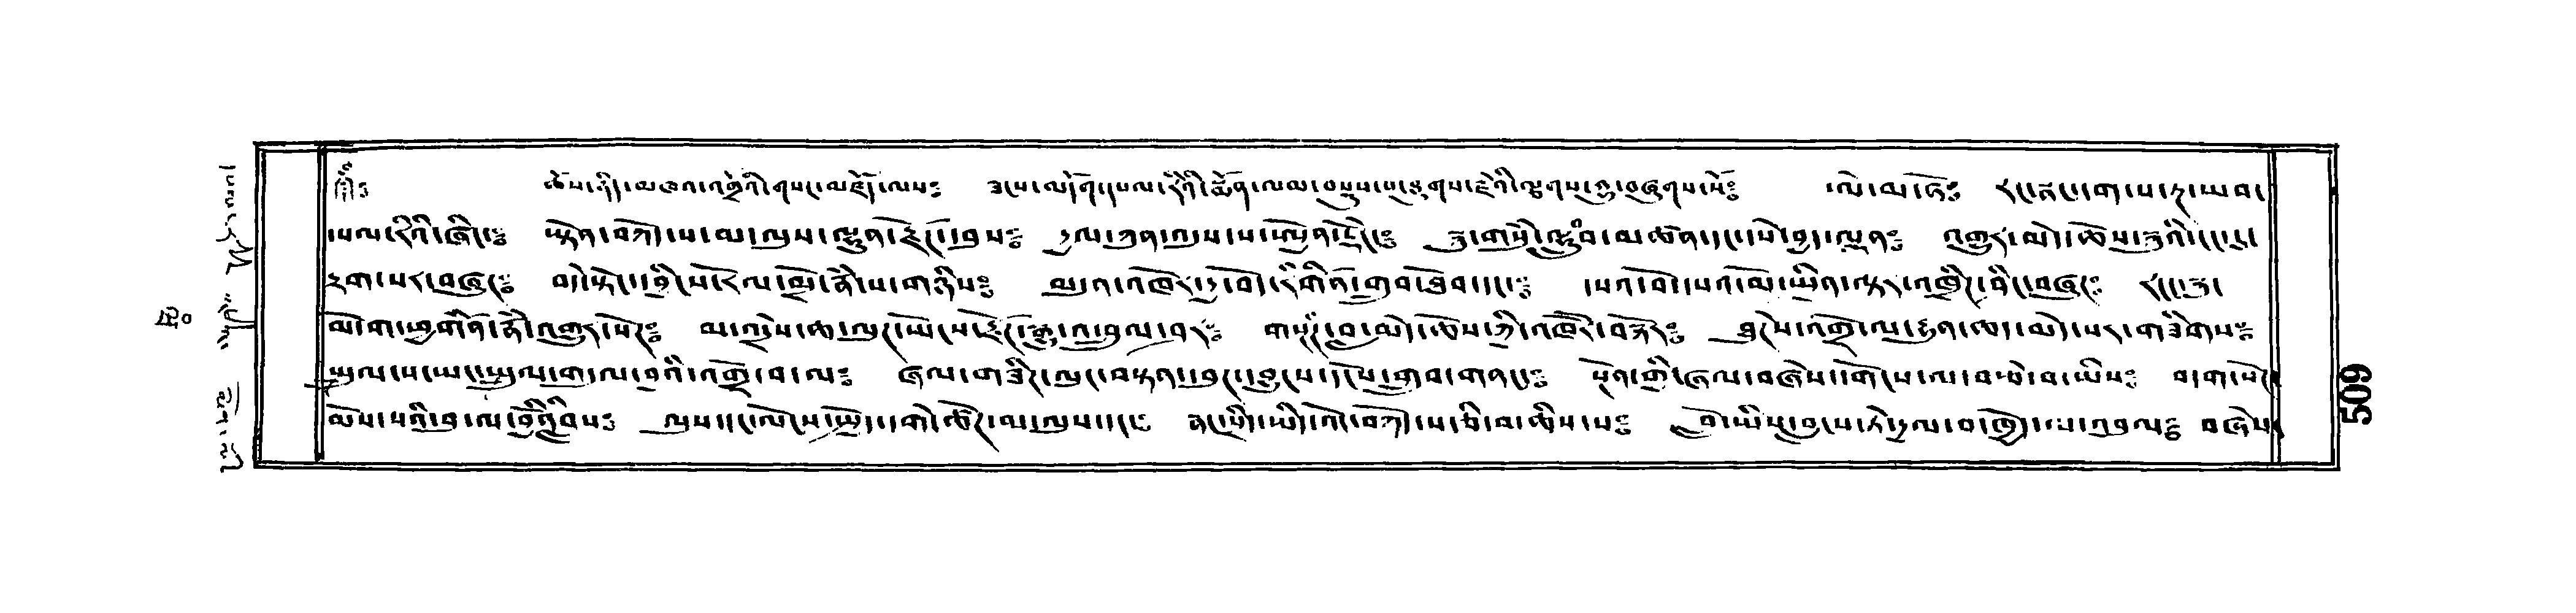ཆོས་ཉིད་མཁའ་འགྲོའི་གསང་མཛོད་ལས༔ ཟངས་མདོག་དཔལ་རིའི་སྨོན་ལམ་བསྡུས་པ་ཐུགས་རྗེའི་ལྕགས་ཀྱུ་བཞུགས་སོ༔ ཨེ་མ་ཧོ༔ རང་སྣང་དག་པ་རྔ་ཡབ་
དཔལ་རིའི་ཞིང༔ ཡོན་ཏན་བཀོད་པ་མ་ལུས་ལྷུན་རྫོགས་དབུས༔ རྒྱལ་ཀུན་འདུས་པ་ཨོ་རྒྱན་རྡོ་རྗེ་འཆང༔ སྐུ་གསུམ་ལྷུན་གྲུབ་མཚན་དང་དཔེ་བྱད་ལྡན༔ འགྱུར་མེད་ཆོས་སྐུའི་ངང་དུ་
རྟག་པར་བཞུགས༔ བདེ་སྟོང་དབྱིངས་རོལ་མཁའ་འགྲོ་རྣམ་པ་གཉིས༔ མདུན་འཁོར་རྒྱ་བོད་རིག་འཛིན་གྲུབ་ཐོབ་དང༔ དཔའ་བོ་དཔའ་མོ་སྤྲིན་ལྟར་འཁྲིགས་ཤིང་བཞུགས༔ རང་རང་སྐུ་
མདོག་ཕྱག་མཚན་རྣམ་འགྱུར་སོགས༔ མ་འདྲེས་ཆ་ལུགས་ཡོངས་རྫོགས་སྒྱུ་འཕྲུལ་ཤར༔ གསང་སྔགས་བླ་མེད་ཆོས་ཀྱི་འཁོར་ལོར་བསྐོར༔ ཐུགས་རྗེས་འགྲོ་ལ་རྒྱུན་ཚད་མེད་པར་གཟིགས༔ 
སྤྲུལ་པ་ཡང་སྤྲུལ་གདུལ་བྱའི་འགྲོ་བ་ལ༔ ཞལ་གཟིགས་ལུང་བསྟན་དབུགས་དབྱུང་དངོས་གྲུབ་གནང༔ སྔོན་གྱི་ཞལ་བཞེས་དགོངས་ལ་བརྩེ་བ་ཡིས༔ བདག་སོགས་
མོས་པའི་བུ་ལ་བྱིན་གྱིས་རློབས༔ ལུས་དང་ལོངས་སྤྱོད་དགེ་ཚོགས་མ་ལུས་དང༔ སྣང་སྲིད་ཡིད་འོང་བཀོད་པ་ཅི་མཆིས་པ༔ བློ་ཡིས་བླངས་ཏེ་རྒྱལ་བ་ཁྱོད་ལ་འབུལ༔ བཞེས་